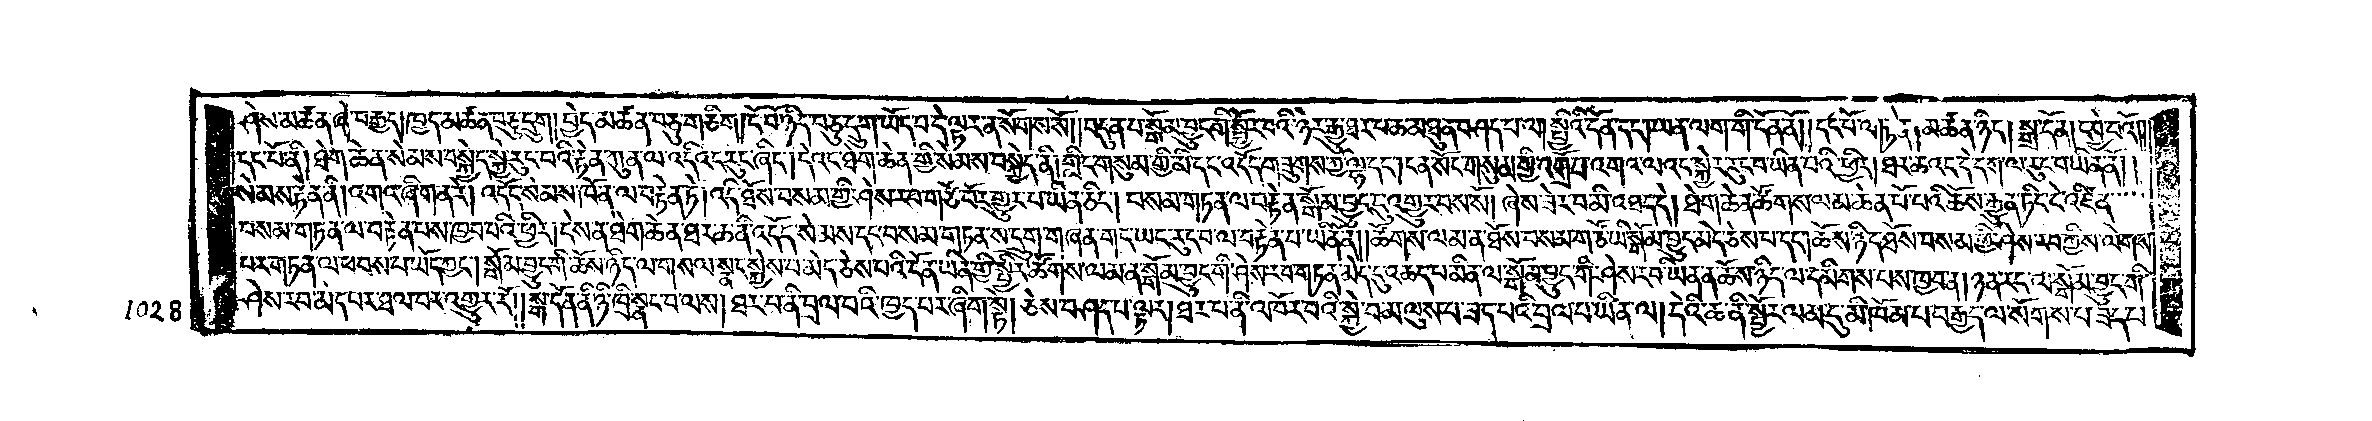ཤེས་མཚན་ཞེ་བརྒྱད། ཁྱད་མཚན་བཅུ་དྲུག། བྱེད་མཚན་བཅུ་གཅིག། ངོ་བོ་ཉིད་བཅུ་དྲུག་ཡོད་པ་དེ་ལྟར་ན་སོགས་སོ། །བདུན་པ་སྒོམ་བྱུང་གི་སྦྱོར་བའི་ཉེར་རྒྱུ་ཐར་པ་ཆ་མཐུན་བཤད་པ་ལ། སྤྱིའི་དོན་དང་། ཡང་ལག་གི་དོན་ནོ། །དང་པོ་ལ། རྟེན། མཚན་ཉིད། སྒྲ་དོན། དབྱེ་བའོ། །
དང་པོ་ནི། ཐེག་ཆེན་སེམས་བསྐྱེད་སྐྱེ་རུང་བའི་རྟེན་ཀུན་ལ་འདིའང་རུང་ཞིང་། དེའང་ཐེག་ཆེན་གྱི་སེམས་བསྐྱེད་ནི། གླིང་གསུམ་གྱི་མི་དང་འདོད་གཟུགས་ཀྱི་ལྷ་དང་། ངན་སོང་གསུམ་གྱི་འགྲོ་བ་འགའ་ལའང་སྐྱེར་རུང་བ་ཡིན་པའི་ཕྱིར། ཐར་ཆའང་དེ་དག་ལ་རུང་བ་ཡིན་ནོ། །
སེམས་རྟེན་ནི། འགའ་ཞིག་ན་རེ། འདོད་སེམས་ཁོ་ན་ལ་བརྟེན་ཏེ། འདི་ཐོས་བསམ་གྱི་ཤེས་རབ་གཙོ་བོར་གྱུར་པ་ཡིན་ཅིང་། བསམ་གཏན་ལ་བརྟེན་སྒོམ་བྱུང་དུ་འགྱུར་བས་སོ། ཞེས་ཟེར་བ་མི་འཐད་དེ། ཐེག་ཆེན་ཚོགས་ལམ་ཆེན་པོ་པའི་ཆོས་རྒྱུན་ཏིང་ངེ་འཛིན་
བསམ་གཏན་ལ་བརྟེན་པས་ཁྱབ་པའི་ཕྱིར། དེས་ན་ཐེག་ཆེན་ཐར་ཆ་ནི་འདོད་སེམས་དང་བསམ་གཏན་ས་དྲུག་གཞན་དང་ཡང་རུང་བ་ལ་བརྟེན་པ་ཡིན་ནོ། །ཚོགས་ལམ་ན་ཐོས་བསམ་གཟོ་ཡི་སྒོམ་བྱུང་མེད་ཅེས་པ་དང་། ཆོས་ཉིད་ཐོས་བསམ་གྱི་ཤེས་རབ་ཀྱིས་ལེགས་
པར་གཏན་ལ་ཕབས་པ་ཡོད་ཀྱང་། སྒོམ་བྱུང་གི་ཆོས་ཉིད་ལ་གསལ་སྣང་སྐྱེས་པ་མེད་ཅེས་པའི་དོན་ཡིན་གྱི་སྤྱིར་ཚོགས་ལམ་ན་སྒོམ་བྱུང་གི་ཤེས་རབ་གཏན་མེད་དུ་འཆད་པ་མིན་ལ་སྒོམ་བྱུང་གི་ཤེས་རབ་ཡིན་ན་ཆོས་ཉིད་ལ་དམིགས་པས་ཁྱབ་ན། ཉན་རང་ལ་སྒོམ་བྱུང་གི་
ཤེས་རབ་མེད་པར་ཐལ་བར་འགྱུར་རོ། །སྒ་དོན་ནི་ཉི་ཁྲི་སྣང་བ་ལས། ཐར་པ་ནི་བྲལ་བའི་ཁྱད་པར་ཞིག་སྟེ། ཅེས་བཤད་པ་ལྟར། ཐར་པ་ནི་འཁོར་བའི་སྐྱེ་བ་མ་ལུས་པ་ཟད་པའི་བྲལ་པ་ཡིན་ལ། དེའི་ཆ་ནི་སྦྱོར་ལམ་དུ་མི་ཁོམ་པ་བརྒྱད་ལ་སོགས་པ་ཟད་པ་